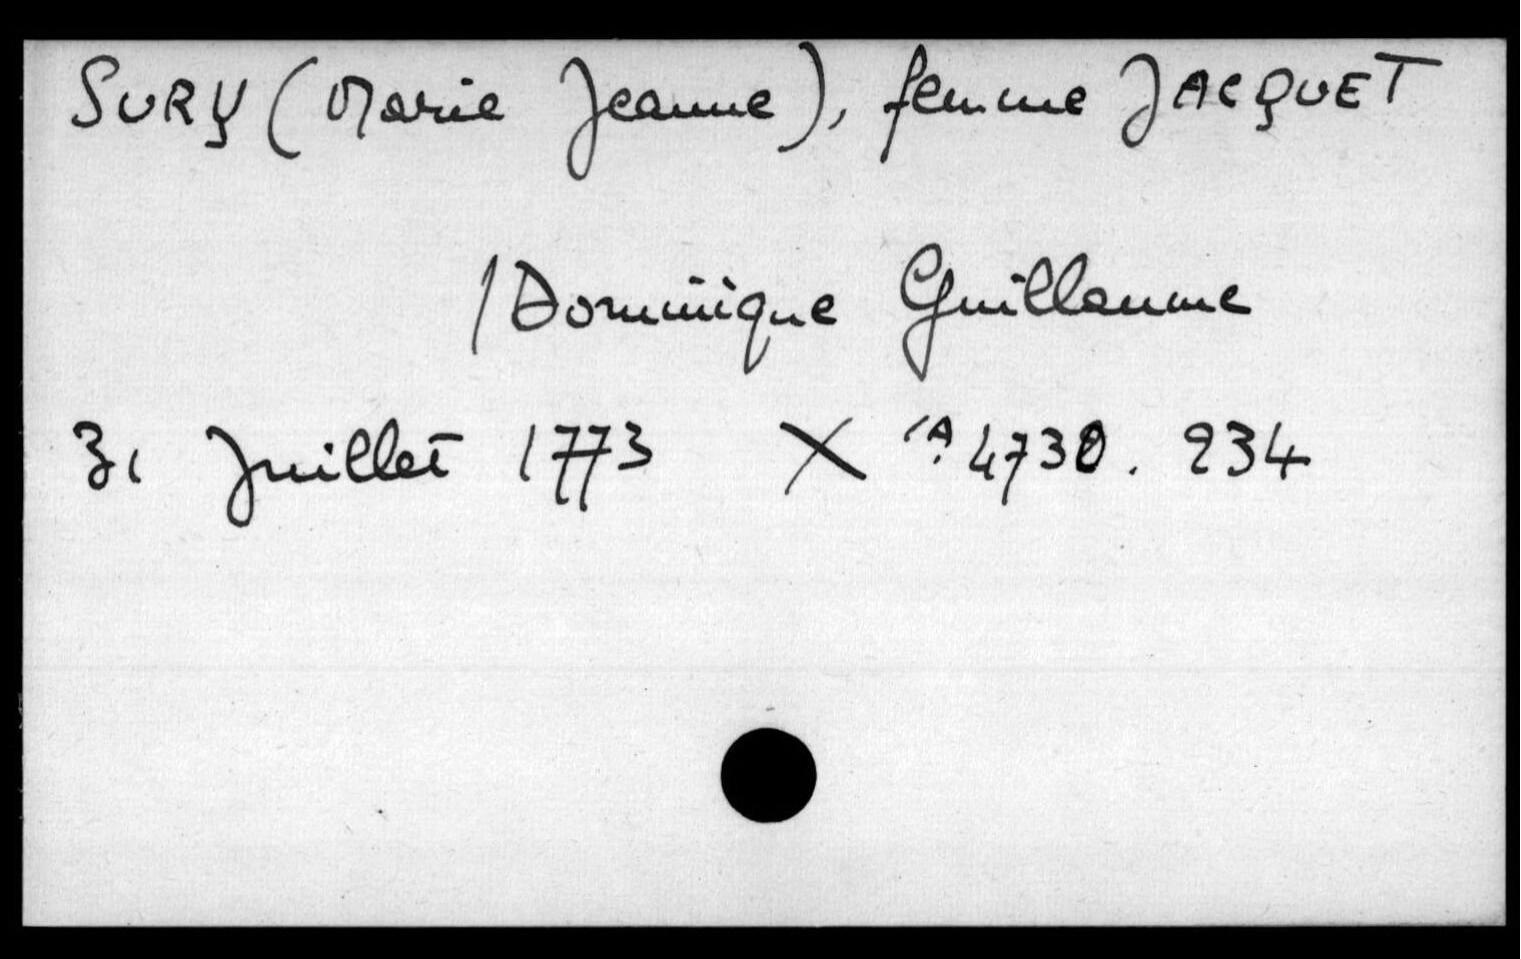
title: SURY (Marie Jeanne), femme JACQUET
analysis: Contre Domiique Guillaume
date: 31 juillet 1773
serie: X1A
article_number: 4730
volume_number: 234
